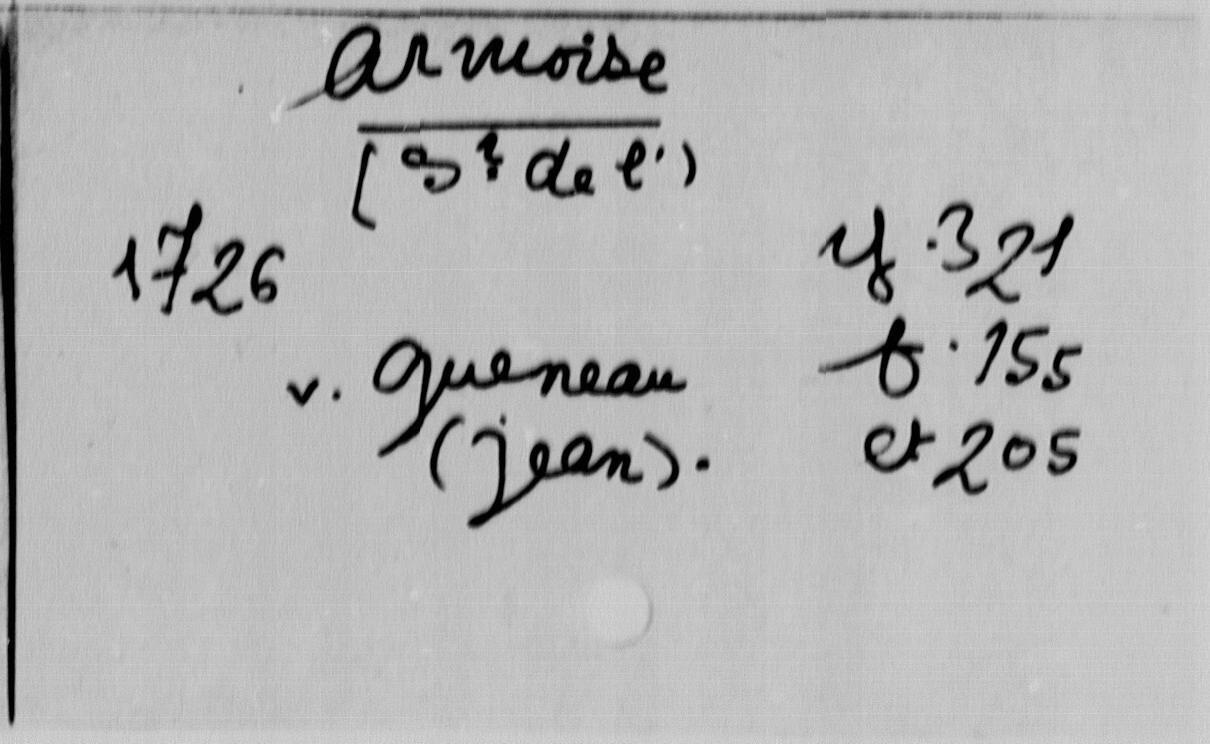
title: Armoise (Sieur de l')
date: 1726
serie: Y
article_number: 321
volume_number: folios 155 et 205
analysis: Voir Gueneau (Jean)
